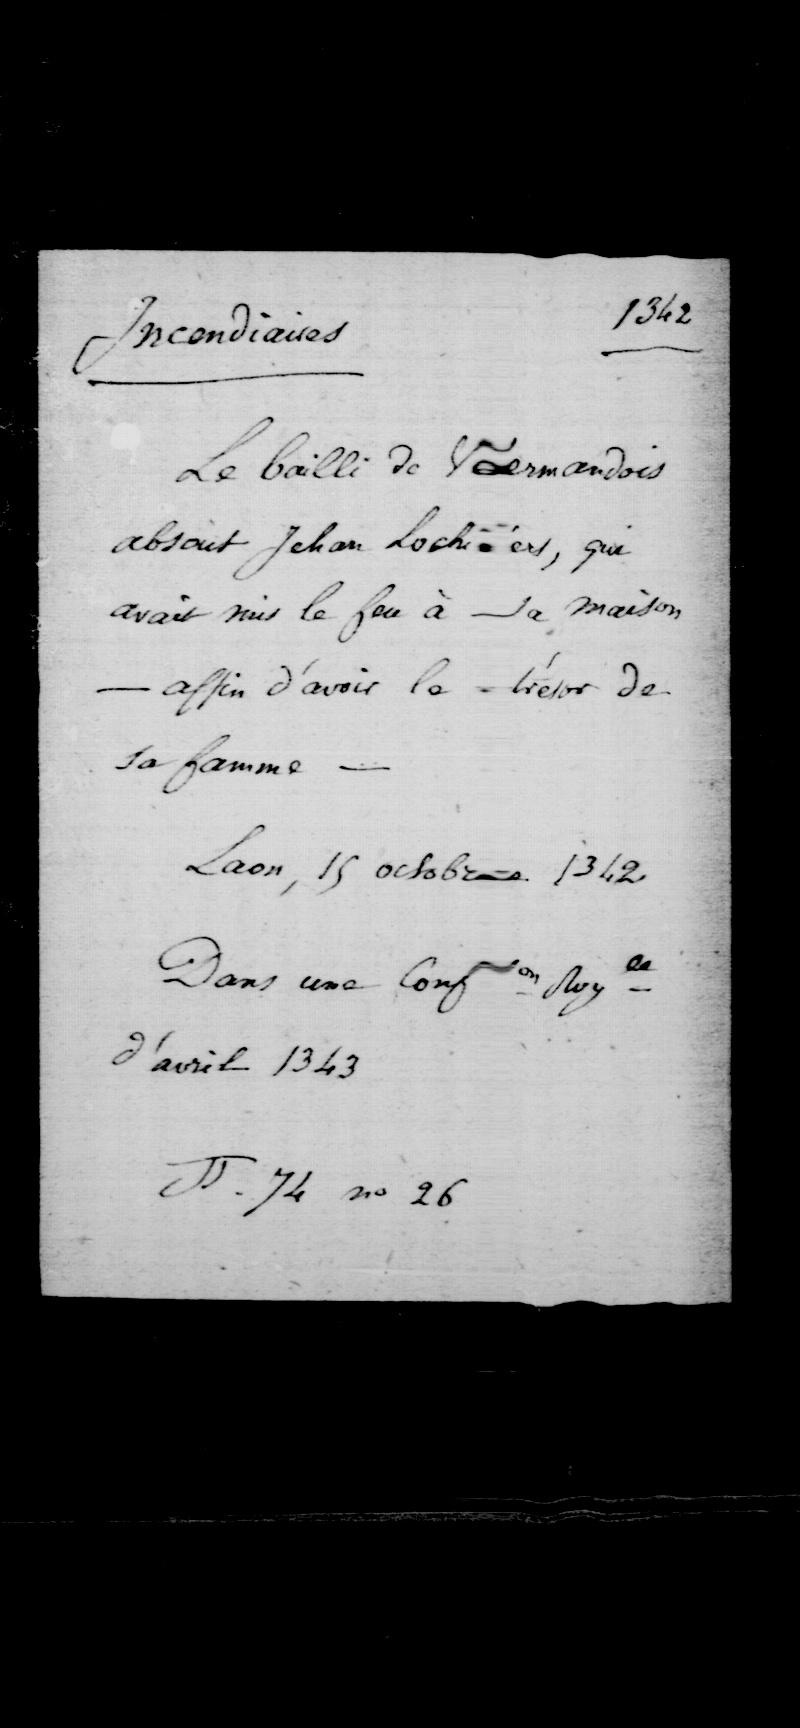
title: Incendiaires
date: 1342
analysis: Le bailli de Vermandois absout Jehan Lochiers, qui avait mis le feu à sa maison – afin d’avoir le trésor de sa femme Laon, 15 octobre 1342 Dans une confirmation royale d’avril 1343
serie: JJ
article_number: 74
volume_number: n° 26
